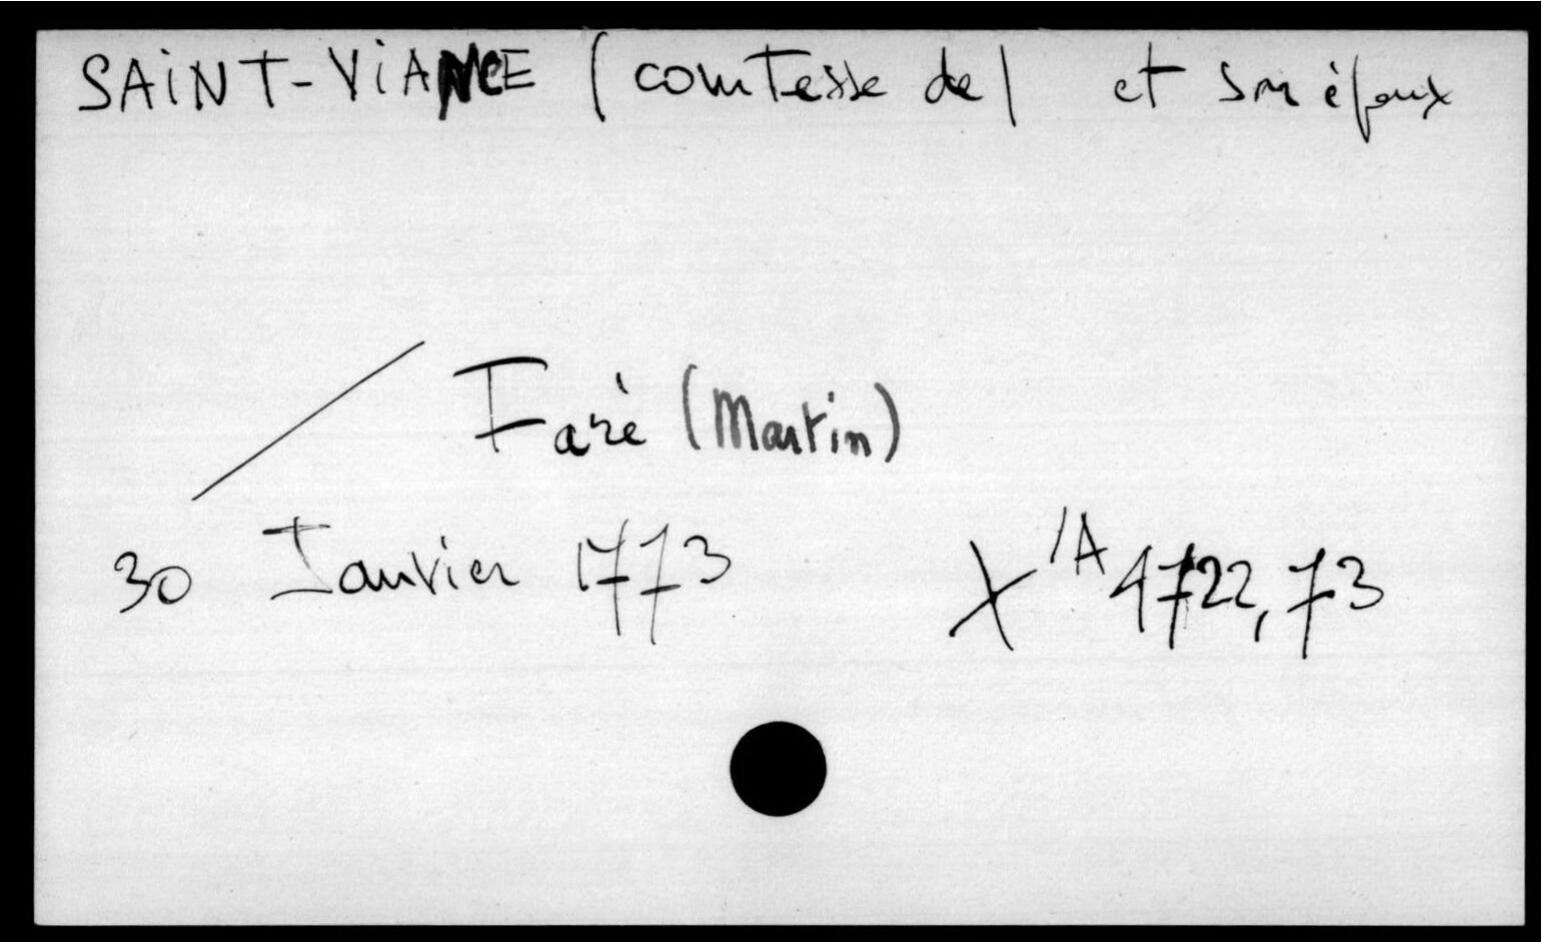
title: SAINT-VIANCE (comtesse de) et son époux
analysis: Contre Faré (Martin)
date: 30 janvier 1773
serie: X1A
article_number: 4722
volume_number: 73
